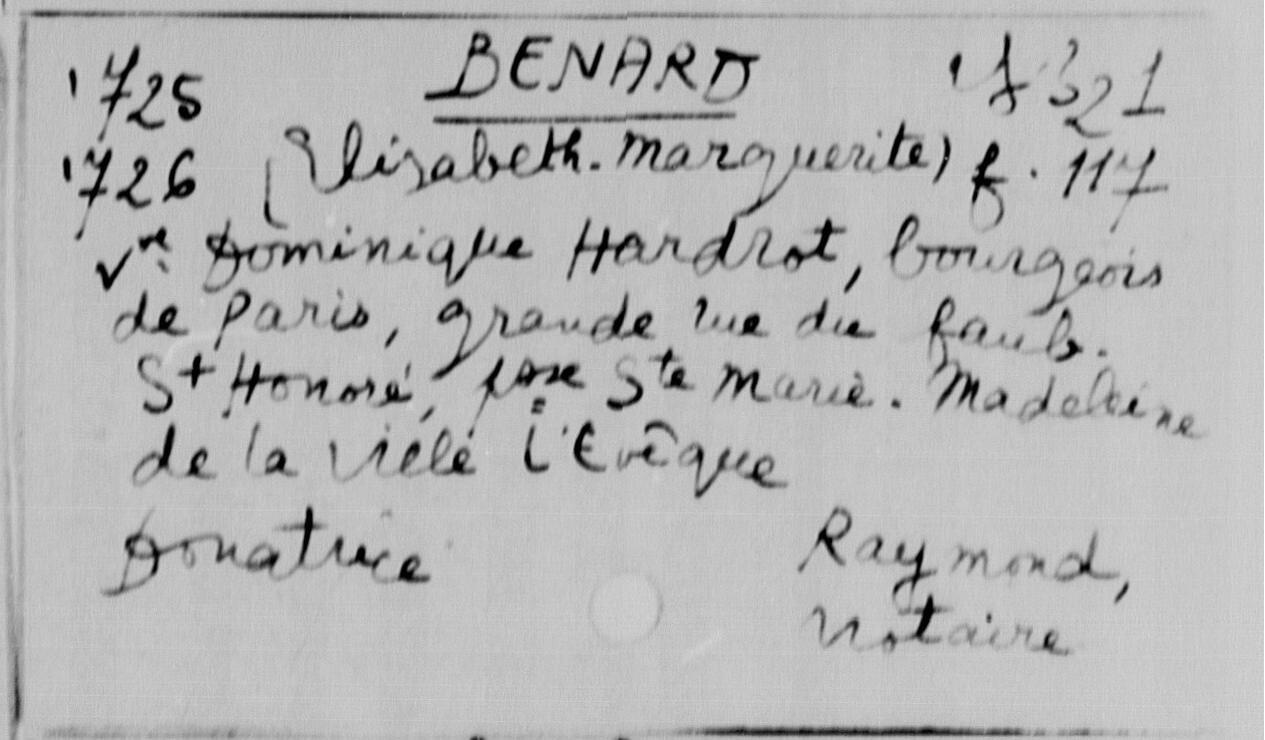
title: BENARD (Élisabeth-Marguerite)
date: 1725-1726
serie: Y
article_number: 321
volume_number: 117
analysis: Veuve Dominique HARDROT, bourgeois de Paris, grande rue du faubourg Saint-Honoré, paroisse Sainte Marie-Madeleine de la Ville L'Évêque. Donatrice. Raymond, notaire.
